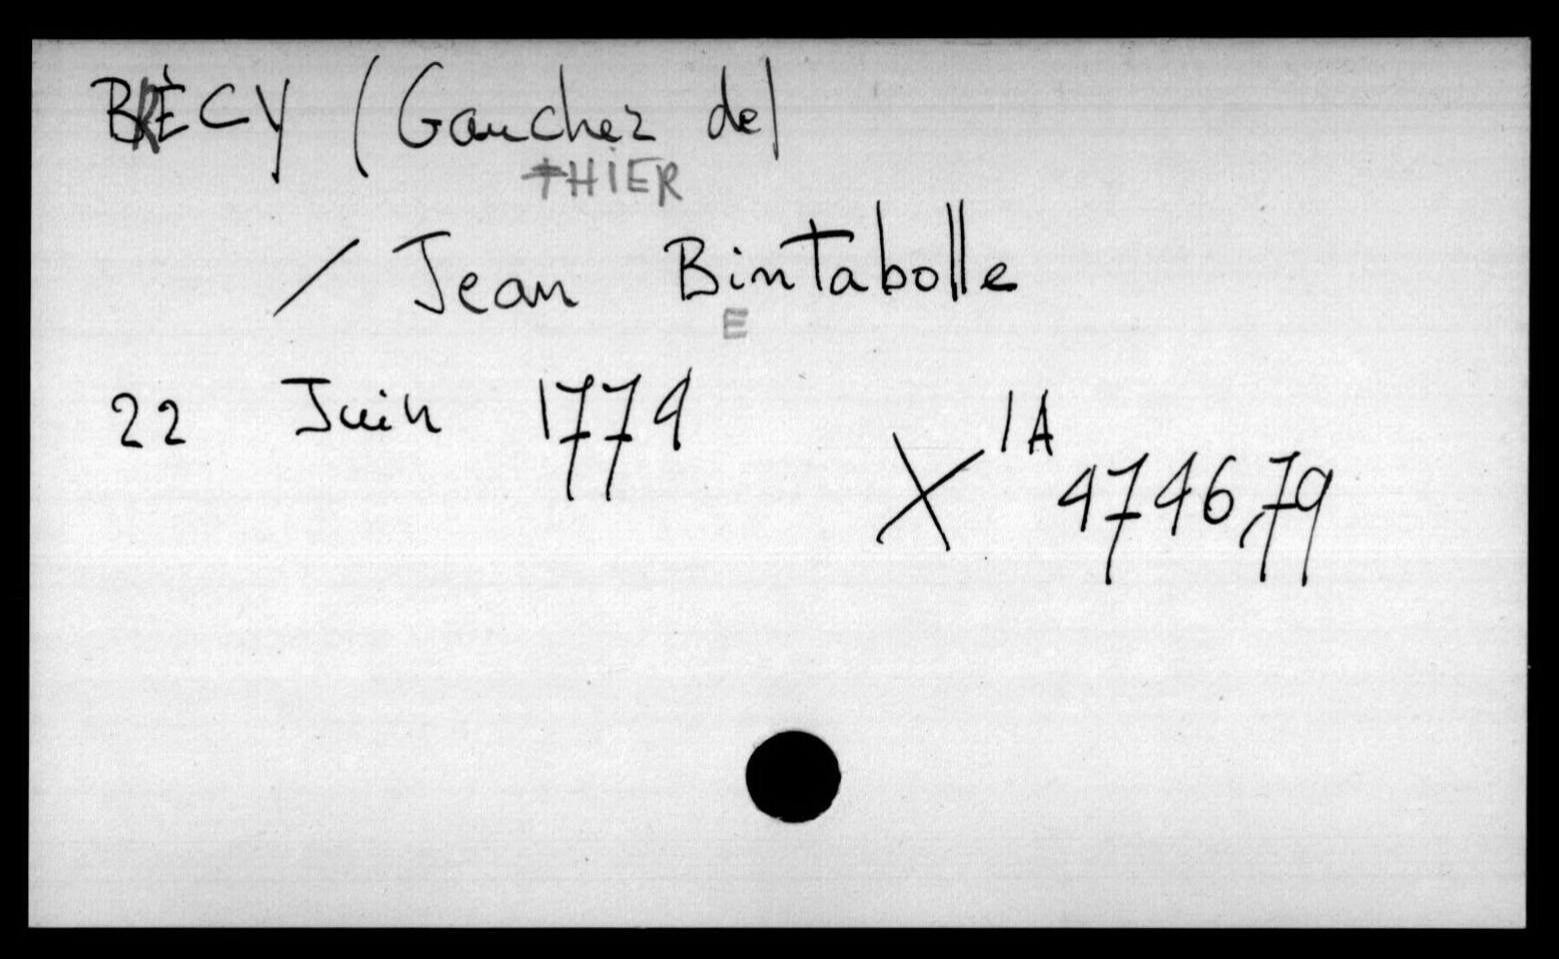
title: BRÉY (Gauthier de)
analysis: Contre Jean Bintabolle
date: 22 juin 1774
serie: X1A
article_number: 4746
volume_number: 79
